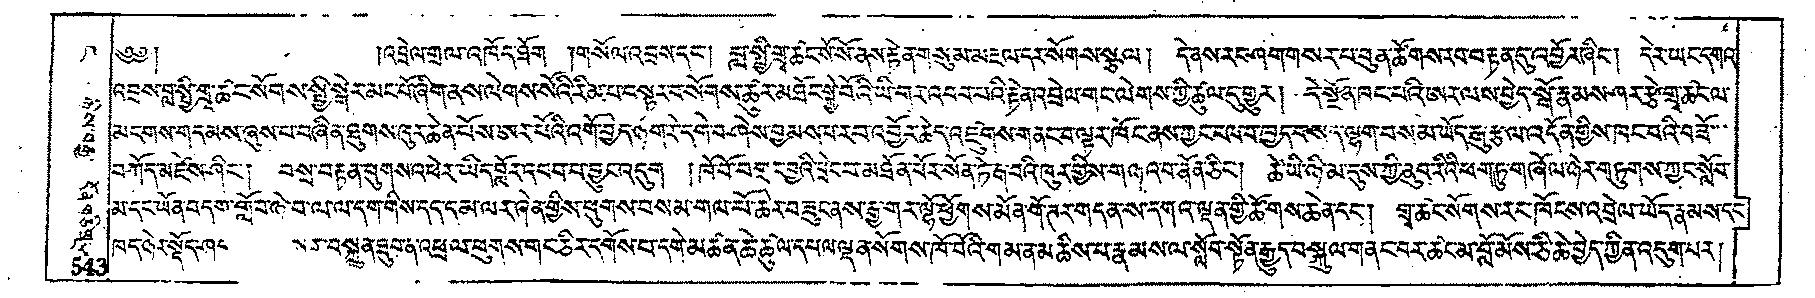༄༅། །འབྲེལ་གྲལ་འཁོད་ཐོག །གསོལ་འབྲས་དང་། བླ་སྤྱི་གྲྭ་ཚང་སོ་སོ་ནས་རྟེན་གསུམ་མཇལ་དར་སོགས་སྩལ། དེ་ནས་རང་ཤག་གསར་པ་ཕུན་ཚོགས་རབ་བརྟན་དུ་འབྱོར་ཞིང་། དེར་ཡང་དགའ་
འབྲས་བླ་སྤྱི་གྲྭ་ཚང་སོགས་སྤྱི་སྒེར་མང་པོ་ཞིག་ནས་ལེགས་སོའི་རིམ་པ་བསྟར་བ་སོགས་ཚུར་མཐོང་སྐྱེ་བོའི་ཡི་གར་འབབ་པའི་རྟེན་འབྲེལ་གང་ལེགས་ཀྱི་ཚུལ་དུ་གྱུར། དེ་སྔོན་ཁང་པའི་ཨར་ལས་བྱེད་སྒོ་རྣམས་ཤར་རྩེ་གྲྭ་ཚང་ལ་
མངགས་གདམས་ཞུས་པ་བཞིན་ཐུགས་ཁུར་ཆེན་པོས་ཨར་པོའི་འགོ་བྱེད་ཉག་རེ་དགེ་བཤེས་བྱམས་པ་རབ་འབྱོར་ཆེད་འཛུགས་གནང་བ་ལྟར་ཁོང་ནས་ཀྱང་ངལ་བ་ཁྱད་བསད་ལྷག་བསམ་ཡོད་རྒུ་རྩལ་འདོན་གྱིས་ཁང་པའི་བཟོ་
བཀོད་མཛེས་ཤིང་། བསྲ་བརྟན་ཕུགས་འཕེར་ཡིད་བློར་འབབ་པ་བྱུང་འདུག །ཁོ་བོ་བགྲང་བྱའི་ཕྲེང་བ་མཐོན་པོར་སོན་ཏེ་རྒ་བའི་ཁུར་གྱིས་གཉའ་བ་ནོན་ཅིང་། ཚེ་ཡི་ཉི་མ་དུས་ཀྱི་ནུབ་རིའི་ཕག་ཏུ་གཞོལ་ཉེར་གཏུགས་ཀྱང་སློབ་
མ་དང་ཡོན་བདག་གློ་བ་ཉེ་བ་ལ་ལ་དག་གིས་དད་དམ་ལར་ཞེན་གྱིས་ཕུགས་བསམ་གལ་པོ་ཆེར་བཟུང་ནས་རྒྱ་གར་ལྷོ་ཕྱོགས་མོན་གོ་ཊར་གདན་ས་དགའ་ལྡན་གྱི་ཚོགས་ཆེན་དང་། གྲྭ་ཚང་སོགས་རང་ཁོངས་འབྲེལ་ཡོད་རྣམས་དང་
ཁད་ཉེར་སྡོད་ཤག་གསར་བསྐྲུན་ཐུབ་ན་འཕྲལ་ཕུགས་གང་ཅིར་དགོས་པ་དགེ་མཚན་ཆེ་ཚུལ་དཔལ་ལྡན་སོགས་ཁོ་བོའི་གམ་ན་མཆིས་པ་རྣམས་ལ་སློབ་སྟོན་རྒྱུད་བསྐུལ་གནང་བར་ཚང་མ་བློ་མོས་ཅི་ཆེ་བྱེད་ཀྱིན་འདུག་པར།